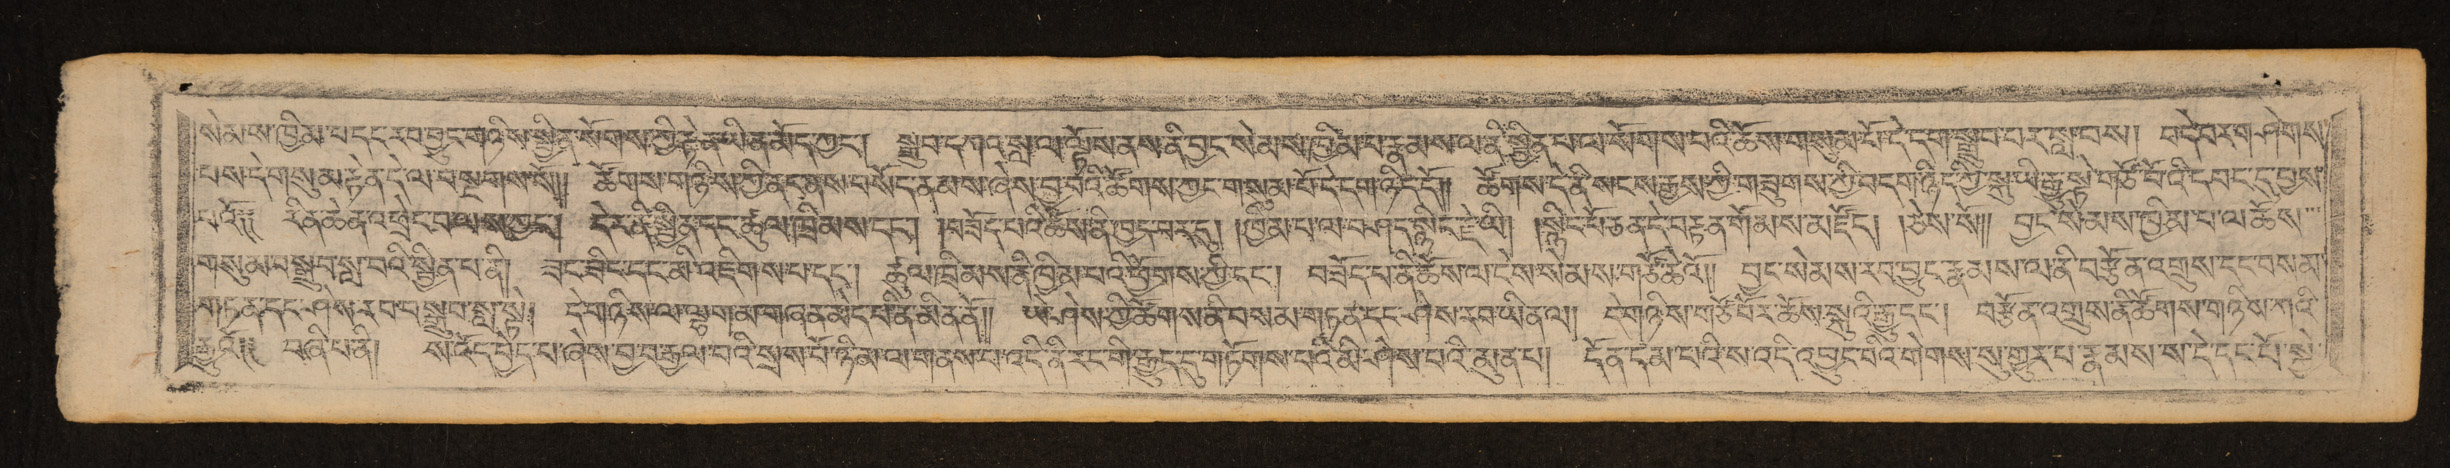སེམས་ཁྱིམ་པ་དང་རབ་བྱུང་གཉིས་སྦྱིན་སོགས་ཀྱི་རྟེན་ཡིན་མོད་ཀྱང་། སྒྲུབ་དཀའ་སླ་ལ་ལྟོས་ནས་ནི་བྱང་སེམས་ཁྱིམ་པ་རྣམས་ལ་ནི་སྦྱིན་པ་ལ་སོགས་པའི་ཆོས་གསུམ་པོ་དེ་དག་སྒྲུབ་པར་སླ་བས། བདེ་བར་གཤེགས་
པས་དེ་གསུམ་རྟེན་དེ་ལ་བསྔགས་སོ།། ཚོགས་གཉིས་ཀྱི་ནང་ནས་བསོད་ནམས་ཞེས་བྱ་བའི་ཚོགས་ཀྱང་གསུམ་པ་དེ་དག་ཉིད་དོ།། ཚོགས་དེ་ནི་སངས་རྒྱས་ཀྱི་གཟུགས་ཀྱི་བདག་ཉིད་ཀྱི་སྐུ་ཡི་རྒྱུ་སྟེ་གཙོ་བོའི་དབང་དུ་བྱས་
པའོ༑༑ རིན་ཆེན་འཕྲེང་བ་ལས་ཀྱང་། དེར་ནི་སྦྱིན་དང་ཚུལ་ཁྲིམས་དང་། །བཟོད་པའི་ཆོས་ནི་ཁྱད་པར་དུ། །ཁྱིམ་པ་ལ་བཤད་སྙིང་རྗེ་ཡི། །སྙིང་པོ་ཅན་དེ་བརྟན་གོམས་མཛོད། །ཅེས་སོ།། བྱང་སེམས་ཁྱིམ་པ་ལ་ཆོས་
གསུམ་བསྒྲུབ་སླ་བའི་སྦྱིན་པ་ནི། ཟང་ཟིང་དང་མི་འཇིགས་པ་དང་། ཚུལ་ཁྲིམས་ནི་ཁྱིམ་པའི་ཕྱོགས་ཀྱི་དང་། བཟོད་པ་ནི་ཆོས་ལ་ངེས་སེམས་གཙོ་ཆེའོ།། བྱང་སེམས་རབ་བྱུང་རྣམས་ལ་ནི་བརྩོན་འགྲུས་དང་བསམ་
གཏན་དང་ཤེས་རབ་བསྒྲུབ་སླ་སྟེ། དེ་གཉིས་ལ་ལྷག་མ་གཞན་མེད་པ་ནི་མིན་ནོ།། ཡེ་ཤེས་ཀྱི་ཚོགས་ནི་བསམ་གཏན་དང་ཤེས་རབ་ཡིན་ལ། དེ་གཉིས་གཙོ་བོར་ཆོས་སྐུའི་རྒྱུ་དང་། བརྩོན་འགྲུས་ནི་ཚོགས་གཉིས་ཀའི་
རྒྱུའོ༑༑ བཞི་པ་ནི། ས་འོད་བྱེད་པ་ཞེས་བྱ་བ་རྒྱལ་བའི་སྲས་པོ་ཉི་མ་ལ་གནས་པ་འདི་ནི་རང་གི་རྒྱུད་དུ་གཏོགས་པའི་མི་ཤེས་པའི་མུན་པ། དོན་དམ་པའི་ས་འདི་འབྱུང་བའི་གེགས་སུ་གྱུར་པ་རྣམས་ས་དེ་དང་པོ་སྐྱེ་